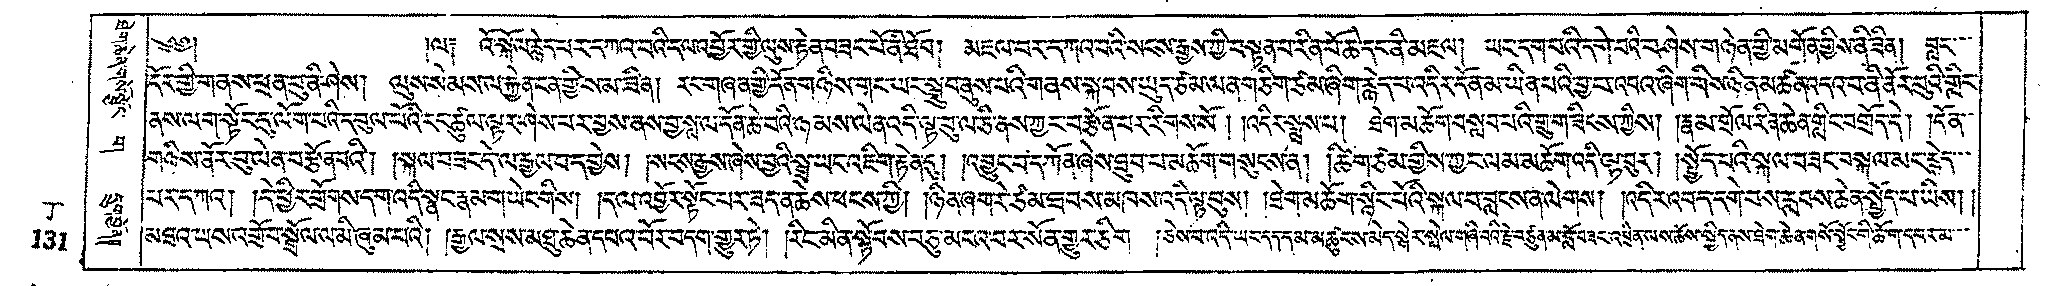༄༅། །ལ༑ འོ་སྐོལ་རྙེད་པར་དཀའ་བའི་དལ་འབྱོར་གྱི་ལུས་རྟེན་བཟང་པོ་ནི་ཐོབ། མཇལ་བར་དཀའ་བའི་སངས་རྒྱས་ཀྱི་བསྟན་པ་རིན་པོ་ཆེ་དང་ནི་མཇལ། ཡང་དག་པའི་དགེ་བའི་བཤེས་གཉེན་གྱི་མགོན་གྱིས་ནི་ཟིན། བླང་་་
དོར་གྱི་གནས་ཕྲན་བུ་ནི་ཤེས། ལུས་སེམས་ལ་རྐྱེན་ངན་གྱིས་མ་ཟིན། རང་གཞན་གྱི་དོན་གཉིས་གང་ཡང་སྒྲུབ་ནུས་པའི་གནས་སྐབས་ཡུད་ཙམ་ལན་གཅིག་ཙམ་ཞིག་རྙེད་པ་འདིར་དོན་མ་ཡིན་པའི་བྱ་བ་འབའ་ཞིག་གིས་ཉིན་མཚན་འདའ་བ་ནི་ནོར་བུའི་གླིང་
ནས་ལག་སྟོང་དུ་ལོག་པའི་དབུལ་པོའི་ངང་ཚུལ་ལྟར་ཤེས་པར་བྱས་ནས་བྱ་སླ་ལ་དོན་ཆེ་བའི་ཉམས་ལེན་འདི་ལྟ་བུ་ལ་ཅི་ནས་ཀྱང་བརྩོན་པར་རིགས་སོ། །འདིར་སྨྲས་པ། ཐེག་མཆོག་བསླབ་པའི་གྲུ་གཟིངས་ཀྱིས། །རྣམ་གྲོལ་རིན་ཆེན་གླིང་བགྲོད་དེ། །དོན་་་
གཉིས་ནོར་བུ་ལེན་བརྩོན་པའི། །སྐལ་བཟང་དེ་ལ་རྒྱལ་བ་དགྱེས། །སངས་རྒྱས་ཞེས་བྱའི་སྒྲ་ཡང་འཇིག་རྟེན་དུ། །འབྱུང་བ་དཀོན་ཞེས་ཐུབ་པ་མཆོག་གསུངས་ན། །ཚིག་ཙམ་གྱིས་ཀྱང་ལམ་མཆོག་འདི་ལྟ་བུར། །སྤྱོད་པའི་སྐལ་བཟང་བསྐལ་མང་རྙེད་་་
པར་དཀའ། །དེ་ཕྱིར་གྲོགས་དག་འདི་སྣང་རྣམ་གཡེང་གིས། །དལ་འབྱོར་སྟོང་པར་ཟད་ན་ཆེས་ཕངས་ཀྱི། །ཉིན་ཞག་རེ་ཙམ་ཐབས་མཁས་འདི་ལྟ་བུས། །ཐེག་མཆོག་སྙིང་པོའི་སྐལ་བ་བླངས་ན་ལེགས། །འདིར་འབད་དགེ་བས་རླབས་ཆེན་སྤྱོད་པ་ཡིས། །
མཐའ་ཡས་འགྲོ་བ་སྒྲོལ་ལ་མི་ཞུམ་པའི། །རྒྱལ་སྲས་མཐུ་ཆེན་དཔའ་བོར་བདག་གྱུར་ཏེ། །རིང་མིན་སྟོབས་བཅུ་མངའ་བར་སོན་གྱུར་ཅིག །ཅེས་པ་འདི་ཡང་དད་དམ་མཚུངས་མེད་སྒེར་སྤེལ་གཞི་བའི་རྗེ་བཙུན་མ་བློ་བཟང་འཕྲིན་ལས་ཆོས་སྐྱིད་ནས་ཐེག་ཆེན་གསོ་སྦྱོང་གི་ཆོ་ག་དཔར་མ་་་